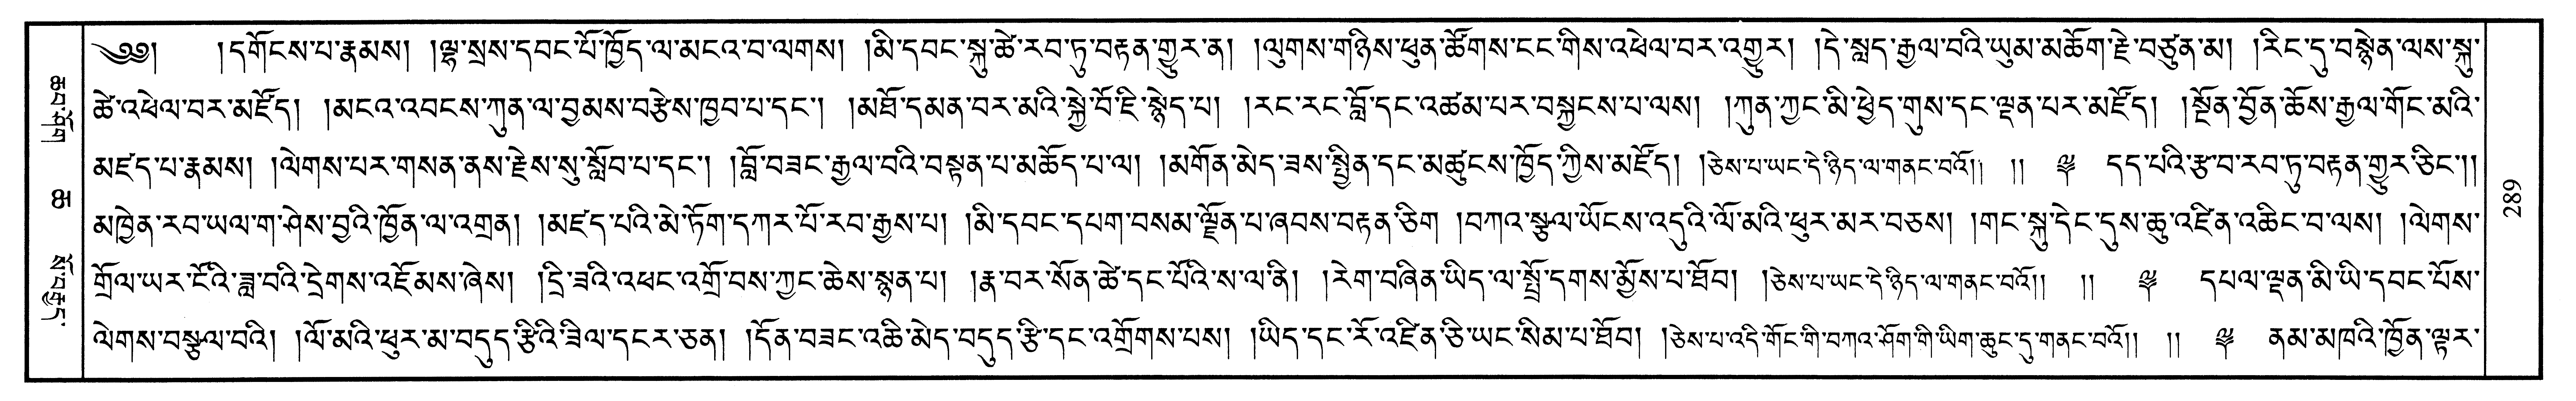༄༅། །དགོངས་པ་རྣམས། །ལྷ་སྲས་དབང་པོ་ཁྱོད་ལ་མངའ་བ་ལགས། །མི་དབང་སྐུ་ཚེ་རབ་ཏུ་བརྟན་གྱུར་ན། །ལུགས་གཉིས་ཕུན་ཚོགས་ངང་གིས་འཕེལ་བར་འགྱུར། །དེ་སླད་རྒྱལ་བའི་ཡུམ་མཆོག་རྗེ་བཙུན་མ། །རིང་དུ་བསྙེན་ལས་སྐུ་
ཚེ་འཕེལ་བར་མཛོད། །མངའ་འབངས་ཀུན་ལ་བྱམས་བརྩེས་ཁྱབ་པ་དང་། །མཐོ་དམན་བར་མའི་སྐྱེ་བོ་ཇི་སྙེད་པ། །རང་རང་བློ་དང་འཚམ་པར་བསྐྱངས་པ་ལས། །ཀུན་ཀྱང་མི་ཕྱེད་གུས་དང་ལྡན་པར་མཛོད། །སྔོན་བྱོན་ཆོས་རྒྱལ་གོང་མའི་
མཛད་པ་རྣམས། །ལེགས་པར་གསན་ནས་རྗེས་སུ་སློབ་པ་དང་། །བློ་བཟང་རྒྱལ་བའི་བསྟན་པ་མཆོད་པ་ལ། །མགོན་མེད་ཟས་སྤྱིན་དང་མཚུངས་ཁྱོད་ཀྱིས་མཛོད། །ཅེས་པ་ཡང་དེ་ཉིད་ལ་གནང་བའོ།། །། ༈ དད་པའི་རྩ་བ་རབ་ཏུ་བརྟན་གྱུར་ཅིང་།
མཁྱེན་རབ་ཡལ་ག་ཤེས་བྱའི་ཁྱོན་ལ་འགྲན། །མཛད་པའི་མེ་ཏོག་དཀར་པོ་རབ་རྒྱས་པ། །མི་དབང་དཔག་བསམ་ལྗོན་པ་ཞབས་བརྟན་ཅིག །བཀའ་སྩལ་ཡོངས་འདུའི་ལོ་མའི་ཕུར་མར་བཅས། །གང་སྐུ་དེང་དུས་ཆུ་འཛིན་འཆིང་བ་ལས། །ལེགས་
གྲོལ་ཡར་ངོའི་ཟླ་བའི་དྲེགས་འཇོམས་ཞེས། །དྲི་ཟའི་འཕང་འགྲོ་བས་ཀྱང་ཆེས་སྙན་པ། །རྣ་བར་སོན་ཚེ་དང་བོའི་ས་ལ་ནི། །རེག་བཞིན་ཡིད་ལ་སྤྲོ་དགས་མྱོས་པ་ཐོབ། །ཅེས་པ་ཡང་དེ་ཉིད་ལ་གནང་བའོ།། །། ༈ དཔལ་ལྡན་མི་ཡི་དབང་པོས་
ལེགས་བསྩལ་བའི། །ལོ་མའི་ཕུར་མ་བདུད་རྩིའི་ཟིལ་དངར་ཅན། །དོན་བཟང་འཆི་མེད་བདུད་རྩི་དང་འགྲོགས་པས། །ཡིད་དང་རོ་འཛིན་ཅི་ཡང་སིམ་པ་ཐོབ། །ཅེས་པ་འདི་གོང་གི་བཀའ་ཤོག་གི་ཡིག་ཆུང་དུ་གནང་བའོ།། །། ༈ ནམ་མཁའི་ཁྱོན་ལྟར་